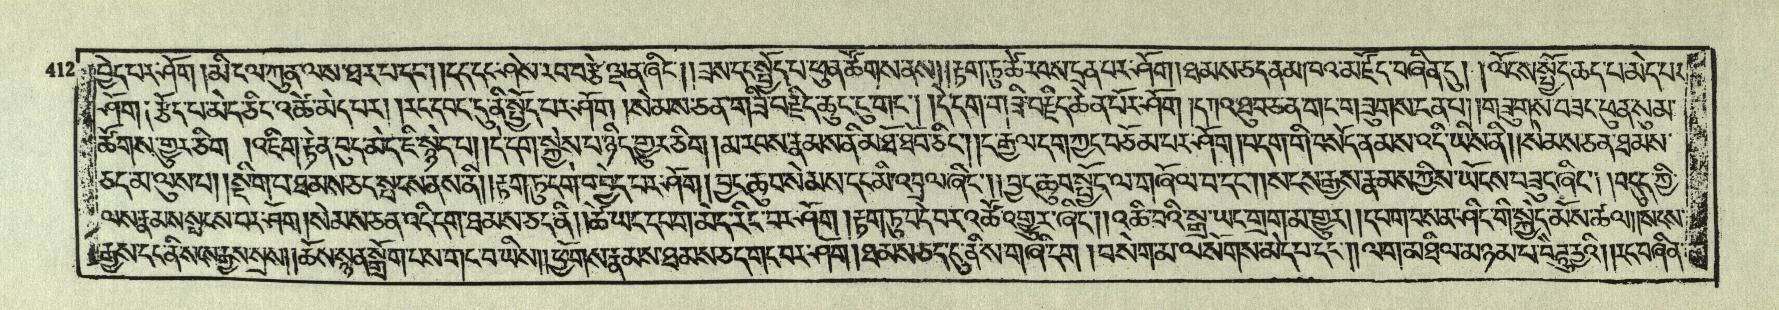བྱེད་པར་ཤོག །མིང་ལ་ཀུན་ལས་ཐར་པ་དང་། །དད་དང་ཤེས་རབ་བརྩེ་ལྡན་ཞིང་། །ཟས་དང་སྤྱོད་པ་ཕུན་ཚོགས་ནས། །རྟག་ཏུ་ཚེ་རབས་དྲན་པར་ཤོག །ཐམས་ཅད་ནམ་ཁའ་མཛོད་བཞིན་དུ། །ལོངས་སྤྱོད་ཆད་པ་མེད་པར་
ཤོག༑ རྩོད་པ་མེད་ཅིང་འཚེ་མེད་པར། །རང་དབང་དུ་ནི་སྤྱོད་པར་ཤོག །སེམས་ཅན་གཟི་བརྗིད་ཆུང་ངུ་གང་། །དེ་དག་གཟི་བརྗིད་ཆེན་པོར་ཤོག །དཀའ་ཐུབ་ཅན་གང་གཟུགས་ངན་པ། །གཟུགས་བཟང་ཕུན་སུམ་
ཚོགས་གྱུར་ཅིག །འཇིག་རྟེན་བུད་མེད་ཇི་སྙེད་པ། །དེ་དག་སྐྱེས་པ་ཉིད་གྱུར་ཅིག །མ་རབས་རྣམས་ནི་མཐོ་ཐོབ་ཅིང་། །ང་རྒྱལ་དག་ཀྱང་བཅོམ་པར་ཤོག །བདག་གི་བསོད་ནམས་འདི་ཡིས་ནི། །སེམས་ཅན་ཐམས་
ཅད་མ་ལུས་པ། །སྡིག་པ་ཐམས་ཅད་སྤངས་ནས་ནི། །རྟག་ཏུ་དགེ་བ་བྱེད་པར་ཤོག །བྱང་ཆུབ་སེམས་དང་མི་འབྲལ་ཞིང་། །བྱང་ཆུབ་སྤྱོད་ལ་གཞོལ་བ་དང་། །སངས་རྒྱས་རྣམས་ཀྱིས་ཡོངས་བཟུང་ཞིང་། །བདུད་ཀྱི་
ལས་རྣམས་སྤངས་པར་ཤོག །སེམས་ཅན་འདི་དག་ཐམས་ཅད་ནི། །ཚེ་ཡང་དཔག་མེད་རིང་བར་ཤོག །རྟག་ཏུ་བདེ་བར་འཚོ་འགྱུར་ཞིང་། །འཆི་བའི་སྒྲ་ཡང་གྲག་མ་གྱུར། །དཔག་བསམ་ཤིང་གི་སྐྱེད་མོས་ཚལ། །སངས་
རྒྱས་དང་ནི་སངས་རྒྱས་སྲས། །ཆོས་སྙན་སྒྲོག་པས་གང་བ་ཡིས། །ཕྱོགས་རྣམས་ཐམས་ཅད་གང་བར་ཤོག །ཐམས་ཅད་དུ་ནི་ས་གཞི་དག །བསེག་མ་ལ་སོགས་མེད་པ་དང་། །ལག་མཐིལ་མཉམ་པ་བཻཌཱུ་རྱའི། །རང་བཞིན་